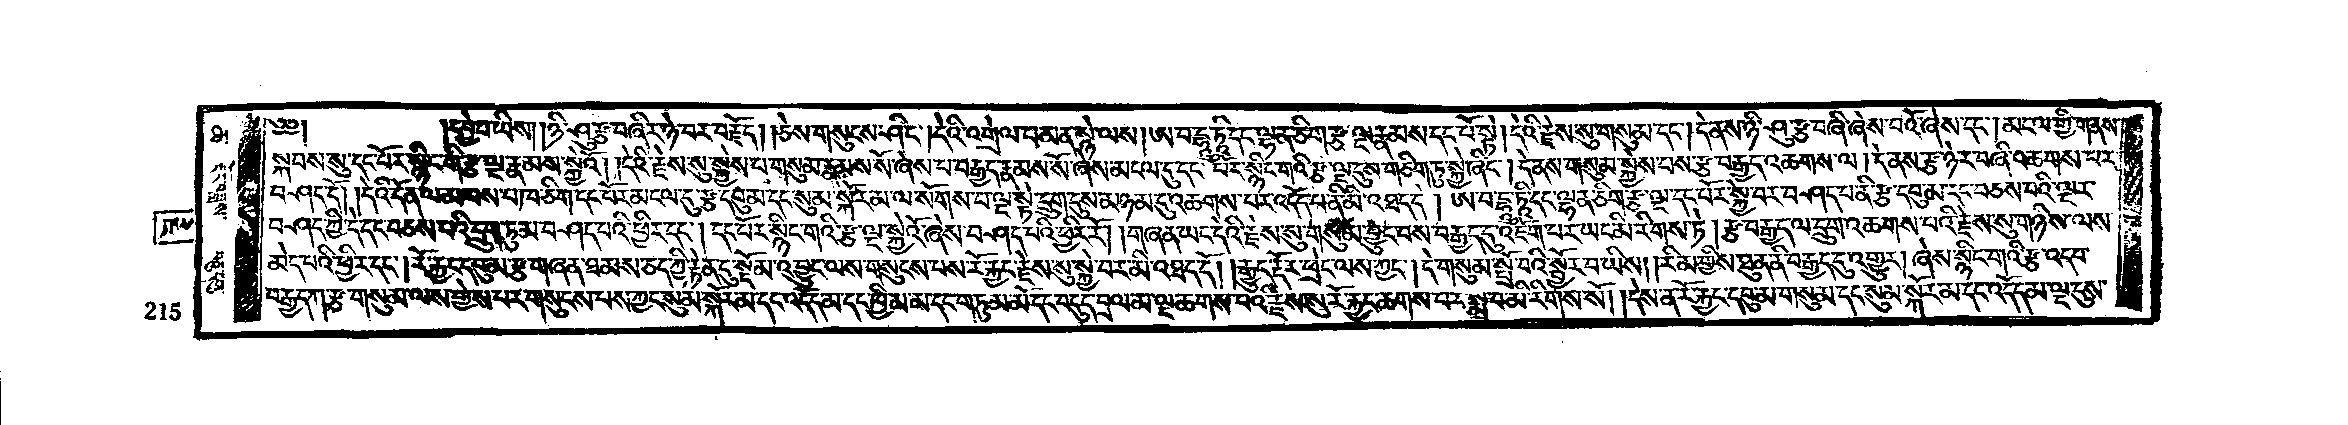༄༅། །དབྱེ་བ་ཡིས། །ཉི་ཤུ་རྩ་བཞིར་ཉེ་བར་བརྗོད། །ཅེས་གསུང་ཤིང་། དེའི་འགྲེལ་པ་མན་སྙེ་ལས། ཨ་བ་དྷཱུ་ཏཱི་དང་ལྷན་ཅིག་རྩ་ལྔ་རྣམས་དང་པོ་སྟེ། དེའི་རྗེས་སུ་གསུམ་དང་། དེ་ནས་ཉི་ཤུ་རྩ་བཞི་ཞེས་པའོ་ཞེས་དང་། མངལ་གྱི་གནས་
སྐབས་སུ་དང་པོར་སྙིང་གི་རྩ་ལྔ་རྣམས་སྐྱེའོ། །དེའི་རྗེས་སུ་སྐྱེས་པ་གསུམ་རྣམས་སོ་ཞེས་པ་བརྒྱད་རྣམས་སོ་ཞེས་མངལ་དུ་དང་པོར་སྙིང་གའི་རྩ་ལྔ་དུས་གཅིག་ཏུ་སྐྱེ་ཞིང་། དེ་ནས་གསུམ་སྐྱེས་བས་རྩ་བརྒྱད་འཆགས་ལ། དེ་ནས་རྩ་ཉེར་བཞི་འཆགས་པར་
བཤད་དོ། །དེའི་དོན་ལ་མཁས་པ་ཁ་ཅིག་དང་པོར་མངལ་དུ་རྩ་དབུ་མ་དང་སུམ་སྐོར་མ་ལ་སོགས་པ་ལྔ་སྟེ་དྲུག་དུས་མཉམ་དུ་འཆགས་པར་འདོད་པ་ནི་མི་འཐད་དེ། ཨ་བ་དྷཱུ་ཏཱི་དང་ལྷན་ཅིག་རྩ་ལྔ་དང་པོར་སྐྱེ་བར་བཤད་པ་ནི་རྩ་དབུ་མ་དང་བཅས་པའི་ལྔར་
བཤད་ཀྱི་དེ་དང་བཅས་པའི་དྲུག་ཏུ་མ་བཤད་པའི་ཕྱིར་དང་། དང་པོར་སྙིང་གའི་རྩ་ལྔ་སྐྱེའོ་ཞེས་བཤད་པའི་ཕྱིར་རོ། །གཞན་ཡང་དེའི་རྗེས་སུ་གསུམ་བྱུག་བས་བརྒྱད་དུ་འཇོག་པར་ཡང་མི་རིགས་ཏེ། རྩ་བརྒྱད་ལ་དྲུག་འཆགས་པའི་རྗེས་སུ་གཉིས་ལས་
མེད་པའི་ཕྱིར་དང་། རོ་རྐྱང་དབུ་མ་རྩ་གཞན་ཐམས་ཅད་ཀྱི་རྟེན་དུ་སྡོམ་འབྱུང་ལས་གསུངས་པས་རོ་རྐྱང་རྗེས་སུ་སྐྱེ་བར་མི་འཐད་དོ། །རྒྱུད་རྡོར་ཕྲེང་ལས་ཀྱང་། དེ་གསུམ་སྤྲོ་བའི་སྦྱོར་བ་ཡིས། །རིམ་གྱིས་ཐུན་ནི་བརྒྱད་དུ་འགྱུར། ཞེས་སྙིང་གའི་རྩ་འདབ་
བརྒྱད་ཀ་རྩ་གསུམ་ལས་གྱེས་པར་གསུངས་པས་ཀྱང་སུམ་སྐོར་མ་དང་འདོད་མ་དང་ཁྱིམ་མ་དང་གཏུམ་མོ་དང་བདུད་བྲལ་མ་ལྔ་ཆགས་པའི་རྗེས་སུ་རོ་རྐྱང་ཆགས་པར་སྨྲ་བ་མི་རིགས་སོ། །དེས་ན་རོ་རྐྱང་དབུ་མ་གསུམ་དང་སུམ་སྐོར་མ་དང་འདོད་མ་ལྔ་དུས་